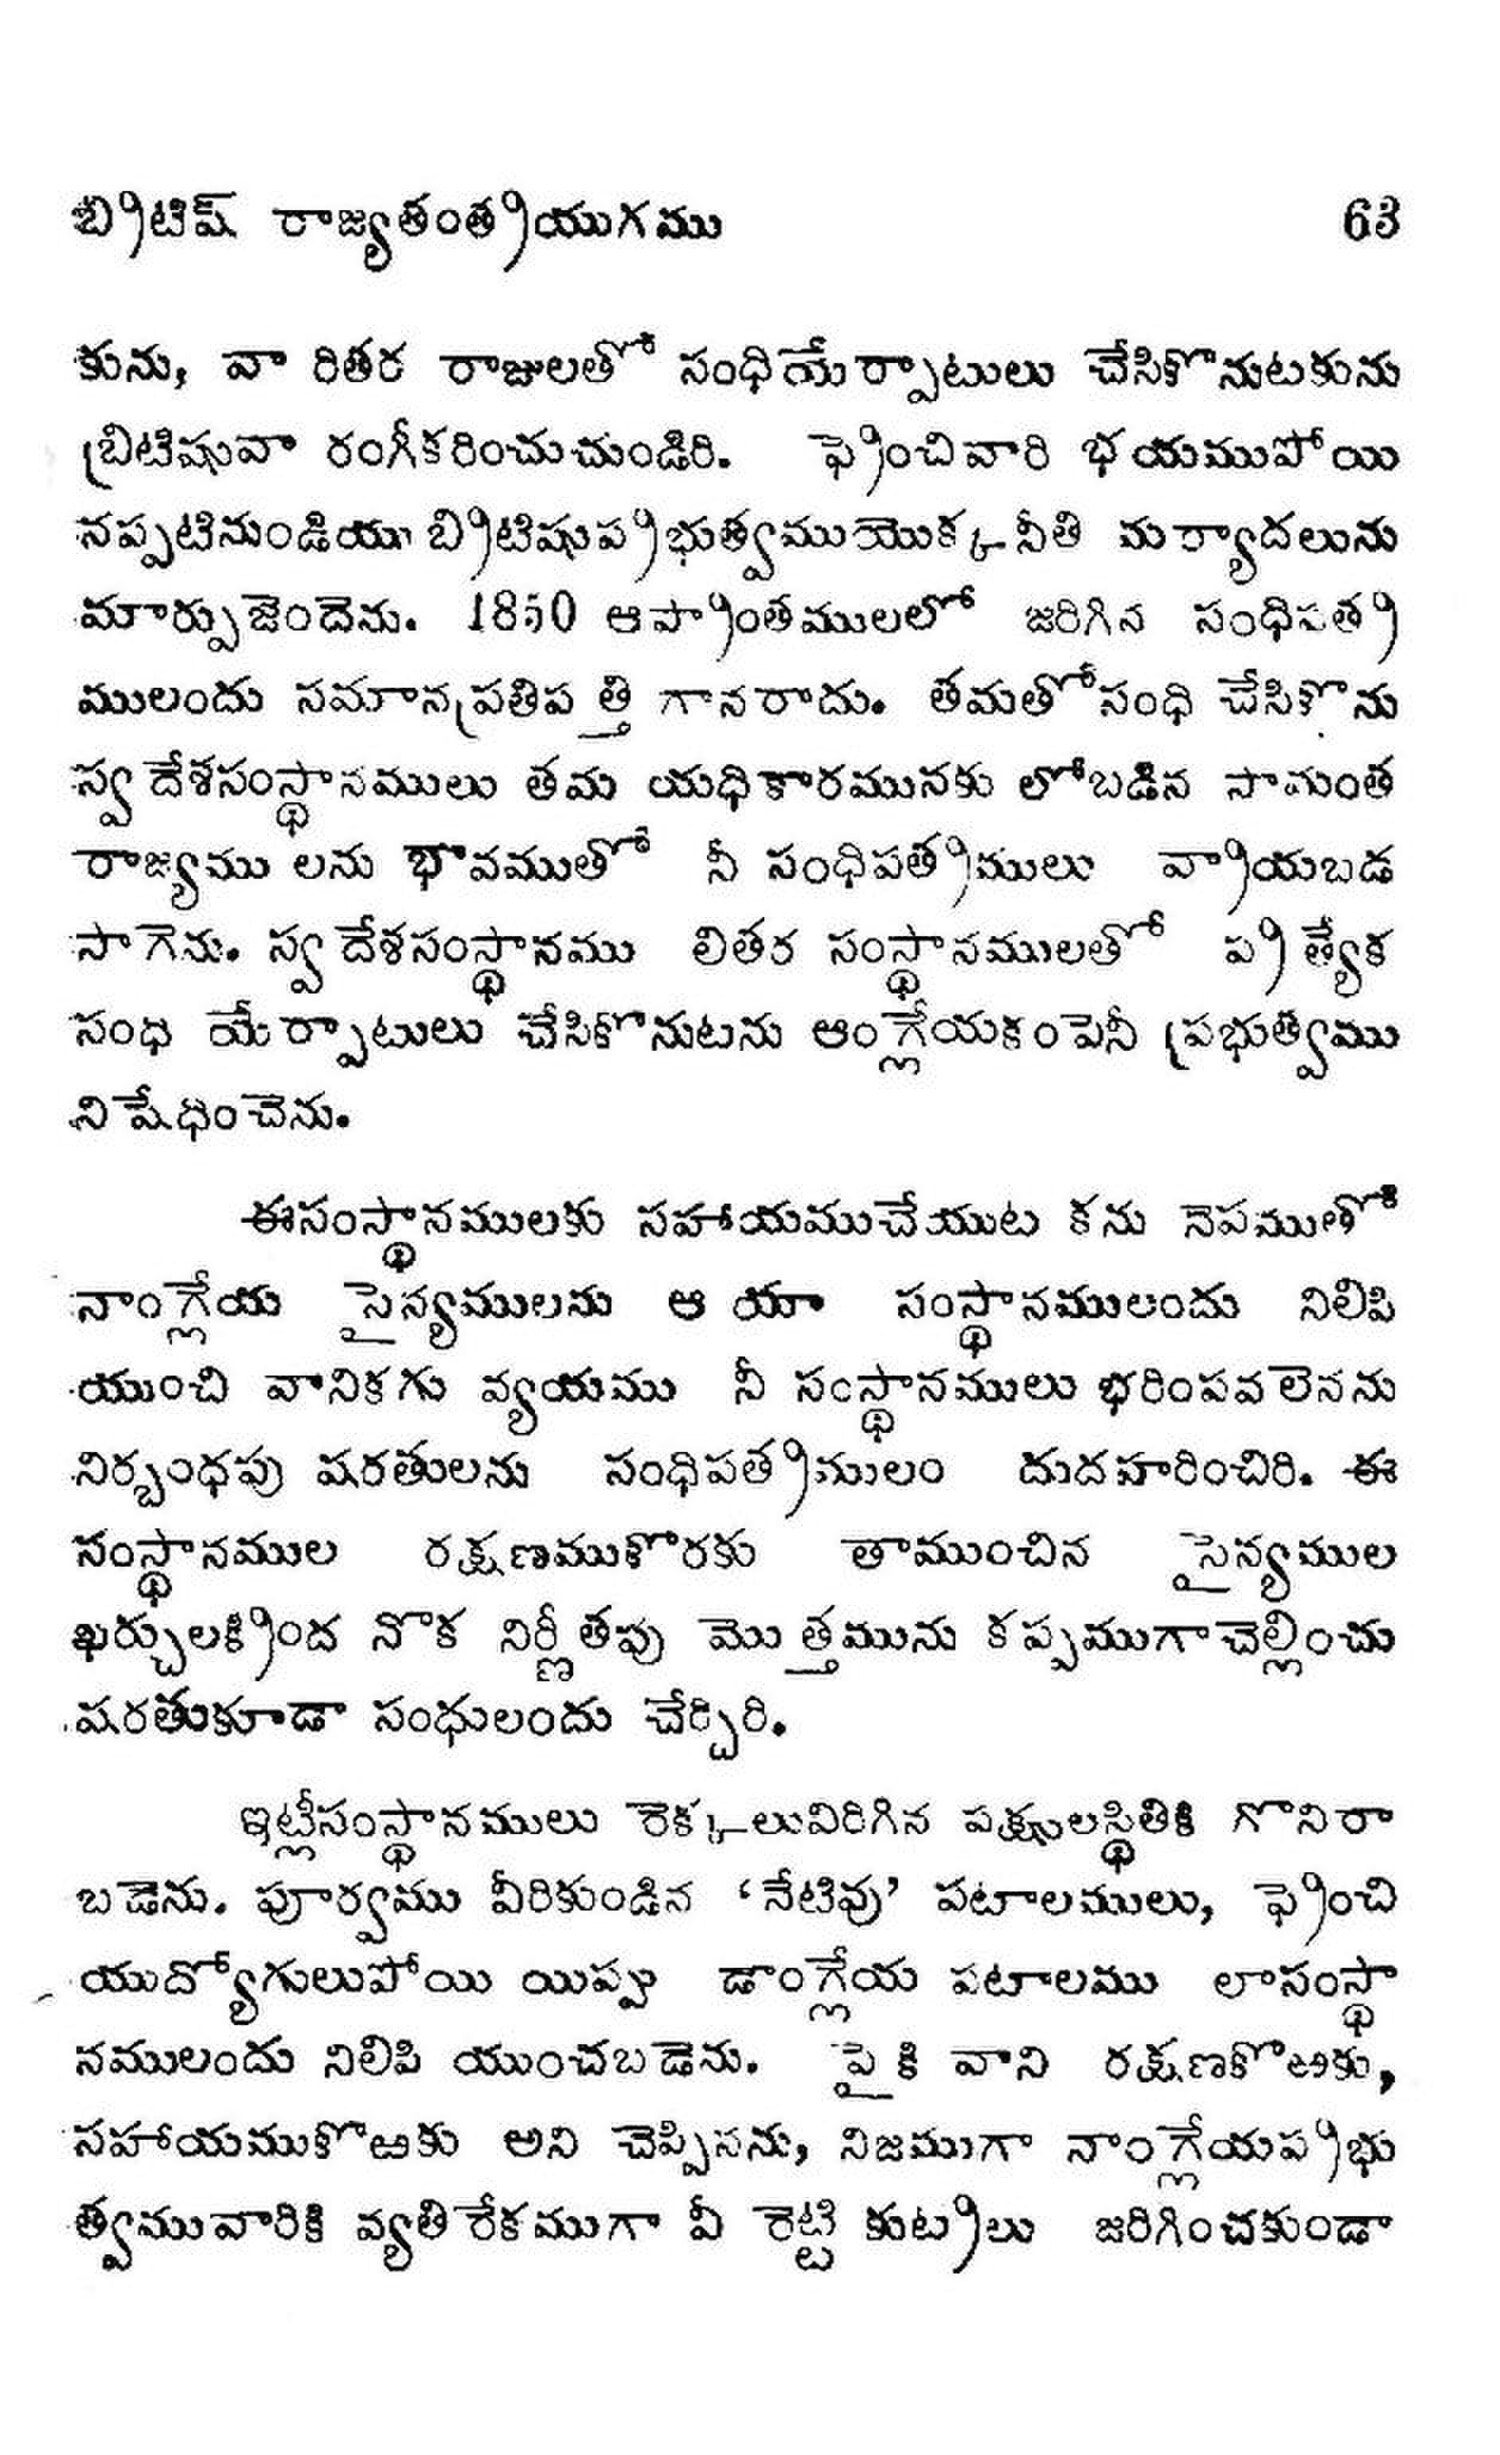కును, వా రితర రాజులతో సంధియేర్పాటులు చేసికొనుటకును బ్రిటిషువా రంగీకరించుచుండిరి. ఫ్రెంచివారి భయముపోయి నప్పటినుండియు బ్రిటిషుప్రభుత్వముయొక్కనీతి మర్యాదలును మార్పుజెందెను. 1850 ఆప్రాంతములలో జరిగిన సంధిపత్రములందు సమానప్రతిపత్తి గానరాదు. తమతోసంధి చేసికొను స్వదేశసంస్థానములు తమ యధికారమునకు లోబడిన సామంతరాజ్యము లను భావముతో నీ సంధిపత్రములు వ్రాయబడ సాగెను. స్వదేశసంస్థానము లితర సంస్థానములతో ప్రత్యేక సంధి యేర్పాటులు చేసికొనుటను ఆంగ్లేయకంపెనీ ప్రభుత్వము నిషేధించెను.

ఈసంస్థానములకు సహాయముచేయుట కను నెపముతో నాంగ్లేయ సైన్యములను ఆ యా సంస్థానములందు నిలిపియుంచి వానికగు వ్యయము నీ సంస్థానములు భరింపవలెనను నిర్బంధపు షరతులను సంధిపత్రములం దుదహరించిరి. ఈ సంస్థానముల రక్షణముకొరకు తాముంచిన సైన్యముల ఖర్చులక్రింద నొక నిర్ణీతపు మొత్తమును కప్పముగాచెల్లించు షరతుకూడా సంధులందు చేర్చిరి.

ఇట్లీసంస్థానములు రెక్కలువిరిగిన పక్షులస్థితికి గొనిరాబడెను. పూర్వము వీరికుండిన ' నేటివు' పటాలములు, ఫ్రెంచి యుద్యోగులుపోయి యిప్పు డాంగ్లేయ పటాలము లాసంస్థానములందు నిలిపి యుంచబడెను. పైకి వాని రక్షణకొఱకు, సహాయముకొఱకు అని చెప్పినను, నిజముగా నాంగ్లేయప్రభుత్వమువారికి వ్యతిరేకముగా వీ రెట్టి కుట్రలు జరిగించకుండా